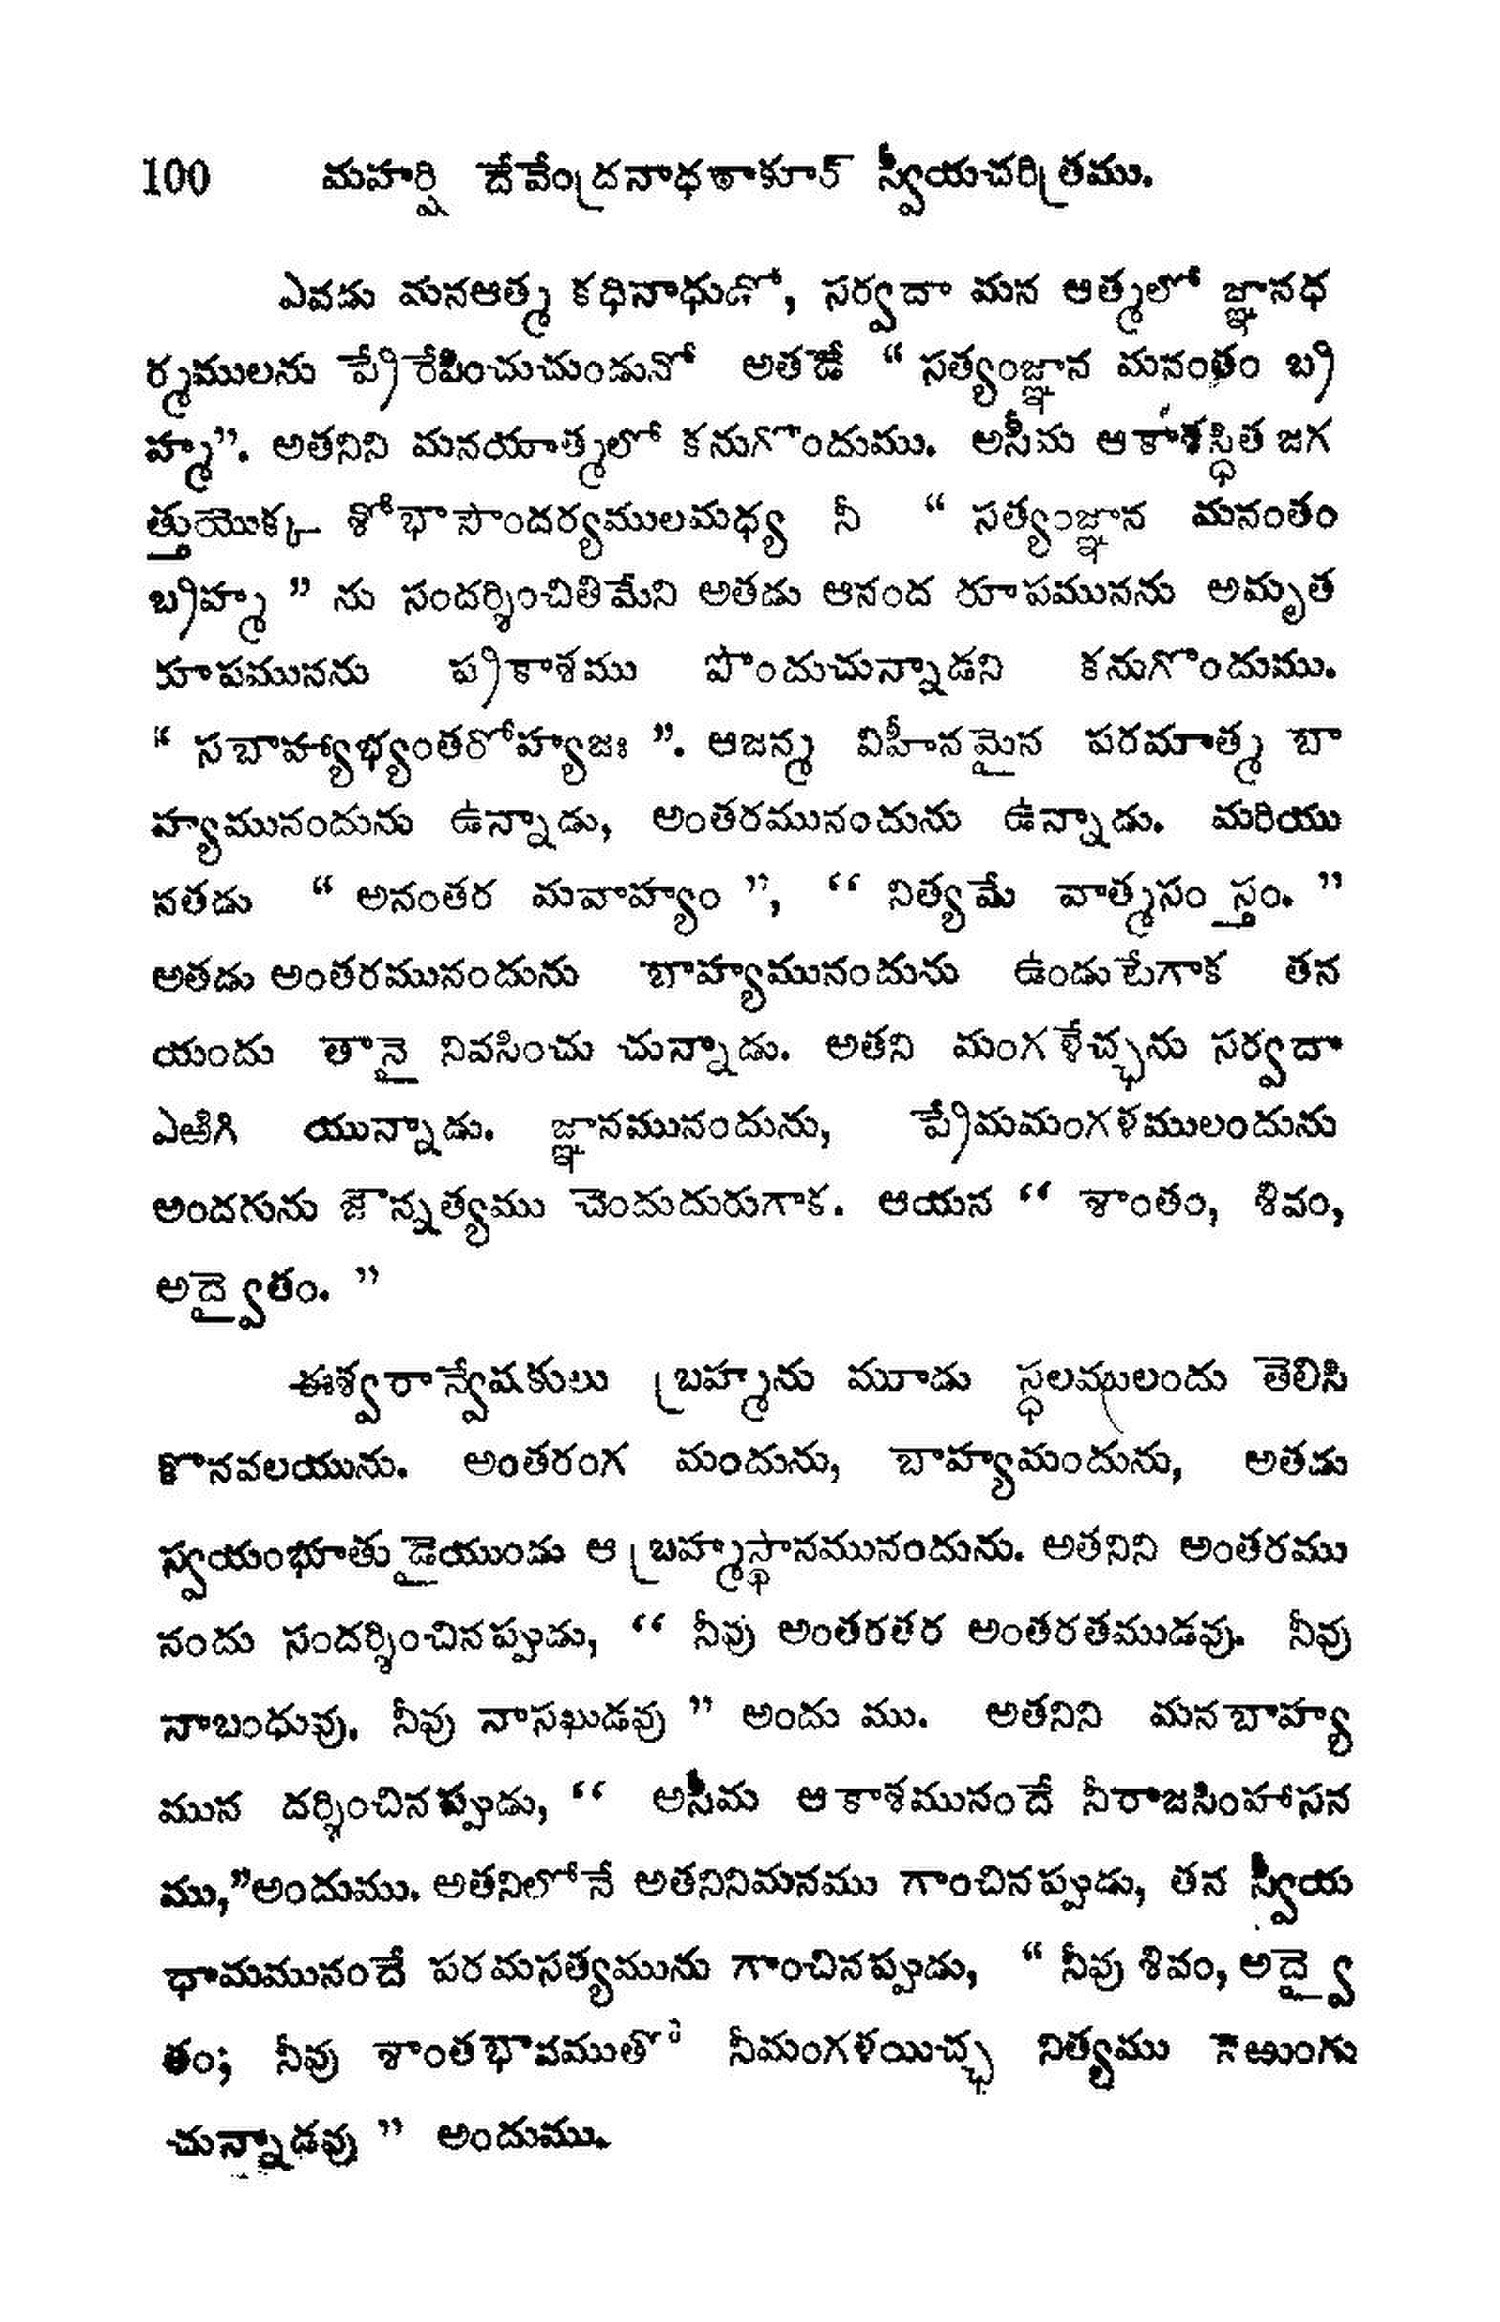ఎవడు మన ఆత్మ కధినాధుడో, సర్వదా మన ఆత్మలో జ్ఞానధర్మములను ప్రేరేపించు చుండునో అతడే “ సత్యం జ్ఞాన మనంతం బ్రహ్మ”. అతనిని మనయాత్మలో కనుగొందుము. అసీమ ఆకాశజ్ఞత జగత్తు యొక్క శోభాసౌందర్యముల మధ్య సత్య జ్ఞాన మనంతం బ్రహ్మ ” ను సందర్శించితిమేని అతడు ఆనంద రూపమునను అమృతప్రకాశము పొందుచున్నాడని కనుగొందుము.* సబాహ్యాభ్యంతరోహ్యజు! ". ఆజన్మ విహీన మైన పరమాత్మ బ్రాహ్మము నందును ఉన్నాడు, అంతరమునంచును ఉన్నాడు. మరియు నతడు“ అనంతర మవాహ్యం ”,నిత్యమే వాత్మసంస్తం.అతడు అంతరము
నందును బాహ్యమునందును ఉండు టేగాక తనయందు తానై నివసించు చున్నాడు. అతని మంగళేచ్ఛను సర్వదాఎఱిగియున్నాడు. జ్ఞానమునందును, ప్రేమమంగళములందును అందరును ఔన్నత్యము చెందుదురు గాక. ఆయన " శాంతం, శివం, అద్వైతం.

ఈశ్వరాన్వేషకులు బ్రహ్మను మూడు స్థలములందు తెలిసికొన వలయును. అంతరంగ మందును, బాహ్యమందును, అతడు స్వయంభూతు డైయుండు ఆ బ్రహ్మస్థానము నందును. అతనిని అంతరమునందు సందర్శించినప్పుడు,"నీవు అంతరతర అంతరతముడవు. నీవునాబంధువు. నీవు నాసఖుడవు " అందుము. అతనిని మన బాహ్యమున దర్శించినప్పుడు,ఆ అసీమ ఆకాశము నందే నీరాజసింహాసనము,"అందుము. అతనిలోనే అతనిని మనము గాంచినప్పుడు, తన స్వీయధామమునందే పరమసత్యమును గాంచినప్పుడు, “ నీవు శివం, అద్వైతం; నీవు శాంత భావముతో నీమంగళయిచ్ఛ నిత్యము నెఱుంగుచున్నాడవు " అందుము అతనిని మన బాహ్య"